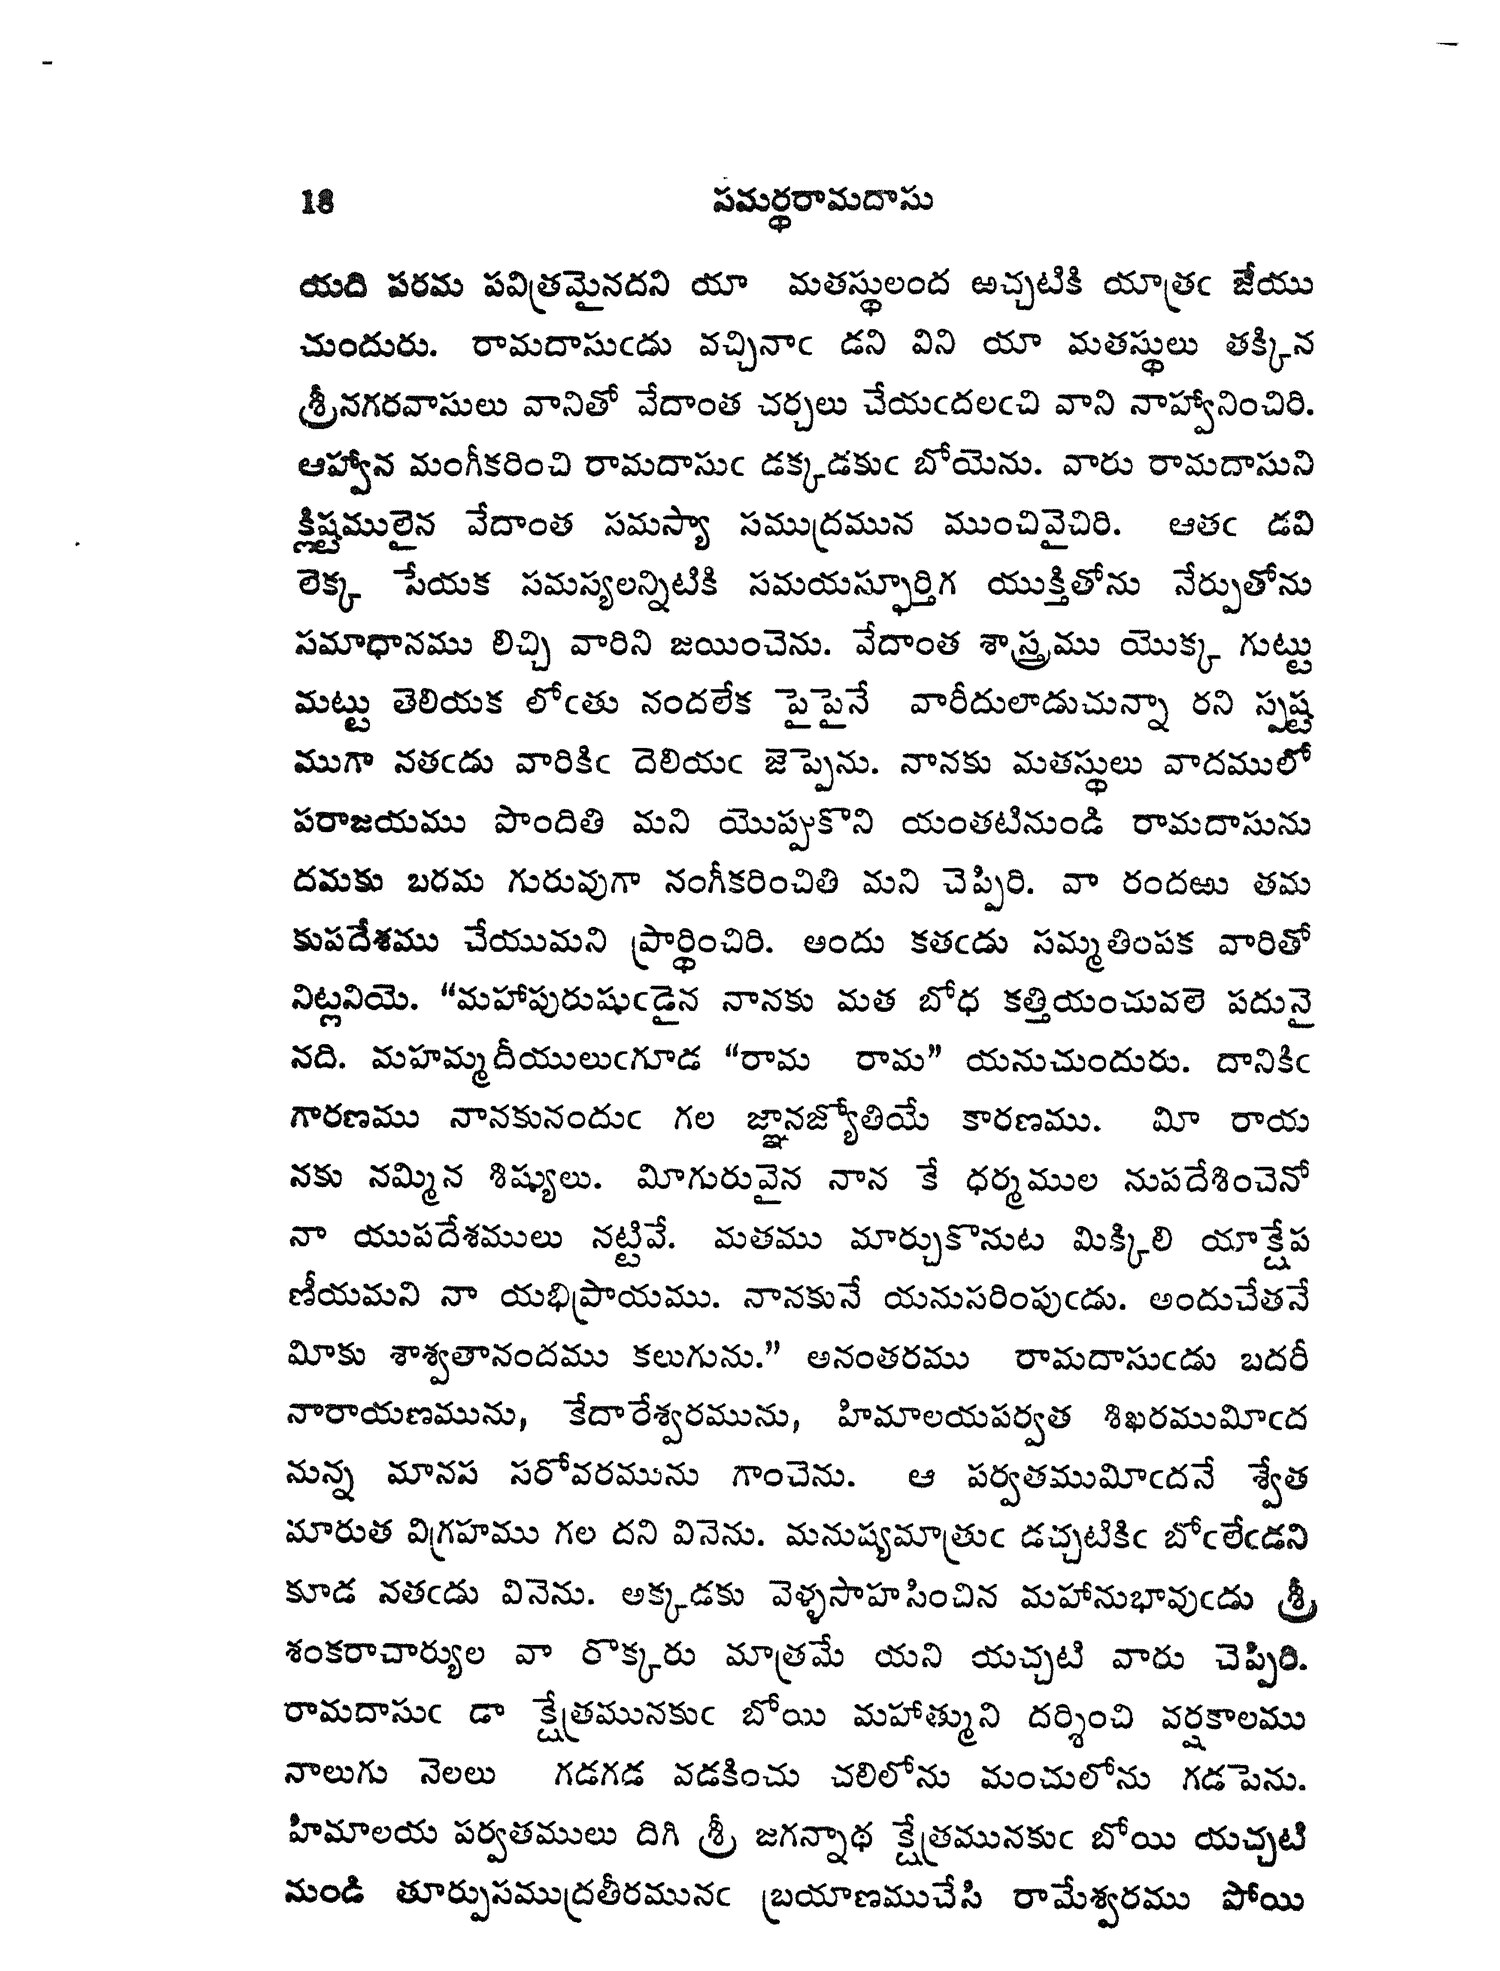యది పరమ పవిత్రమైనదని యా మతస్థులంద ఱచ్చటికి యాత్ర జేయుచుందురు. రామదాసుడు వచ్చినా డని విని యా మతస్థులు తక్కిన శ్రీనగరవాసులు వానితో వేదాంత చర్చలు చేయదలచి వాని నాహ్వానించిరి. ఆహ్వాన మంగీకరించి రామదాసు డక్కడకు బోయెను. వారు రామదాసుని క్లిష్టములైన వేదాంత సమస్యా సముద్రమున ముంచివైచిరి. ఆత డవి లెక్క సేయక సమస్యలన్నిటికి సమయస్ఫూర్తిగ యుక్తితోను నేర్పుతోను సమాధానము లిచ్చి వారిని జయించెను. వేదాంత శాస్త్రము యొక్క గుట్టు మట్టు తెలియక లోతు నందలేక పైపైనే వారీదులాడుచున్నా రని స్పష్టముగా నతడు వారికి దెలియ జెప్పెను. నానకు మతస్థులు వాదములో పరాజయము పొందితి మని యొప్పుకొని యంతటినుండి రామదాసును దమకు బరమ గురువుగా నంగీకరించితి మని చెప్పిరి. వా రందఱు తమ కుపదేశము చేయుమని ప్రార్థించిరి. అందు కతడు సమ్మతింపక వారితో నిట్లనియె. "మహాపురుషుడైన నానకు మత బోధ కత్తియంచువలె పదునైనది. మహమ్మదీయులుగూడ "రామ రామ" యనుచుందురు. దానికి గారణము నానకు నందు గల జ్ఞానజ్యోతియే కారణము. మీ రాయనకు నమ్మిన శిష్యులు. మీగురువైన నాన కే ధర్మముల నుపదేశించెనో నా యుపదేశములు నట్టివే. మతము మార్చుకొనుట మిక్కిలి యాక్షేపణీయమని నా యభిప్రాయము. నానకునే యనుసరింపుడు. అందుచేతనే మీకు శాశ్వతానందము కలుగును." అనంతరము రామదాసుడు బదరీ నారాయణమును, కేదారేశ్వరమును, హిమాలయపర్వత శిఖరముమీద నున్న మానస సరోవరమును గాంచెను. ఆ పర్వతముమీదనే శ్వేతమారుత విగ్రహము గలదని వినెను. మనుష్యమాత్రు డచ్చటికి బోలేడని కూడ నతడు వినెను. అక్కడకు వెళ్ళసాహసించిన మహానుభావుడు శ్రీ శంకరాచార్యుల వా రొక్కరు మాత్రమే యని యచ్చటి వారు చెప్పిరి. రామదాసు డా క్షేత్రమునకు బోయి మహాత్ముని దర్శించి వర్షకాలము నాలుగు నెలలు గడగడ వడకించు చలిలోను మంచులోను గడపెను. హిమాలయ పర్వతములు దిగి శ్రీ జగన్నాథ క్షేత్రమునకు బోయి యచ్చటి నుండి తూర్పుసముద్రతీరమున బ్రయాణముచేసి రామేశ్వరము పోయి